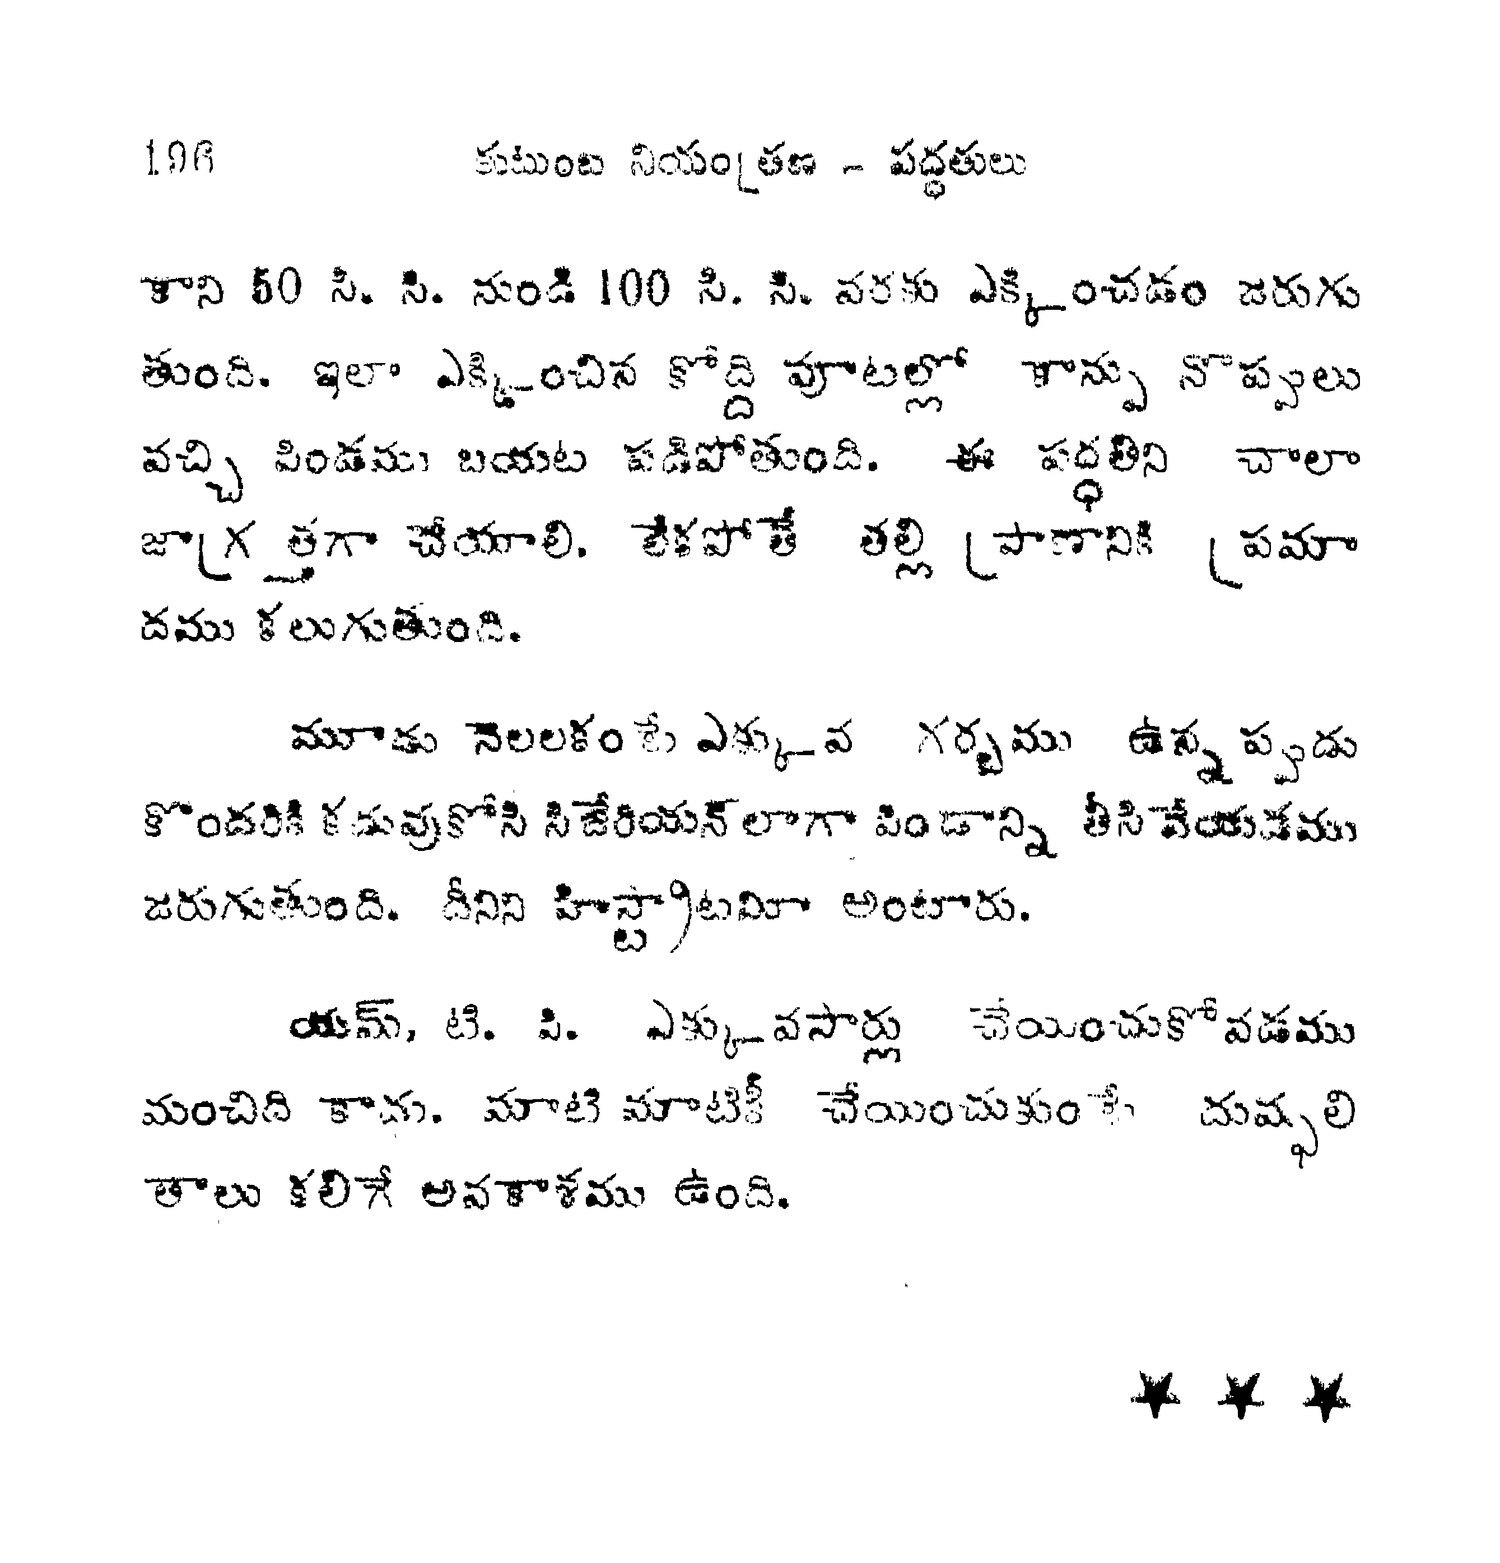కాని 50 సి.సి. నుండి 100 సి.సి. వరకు ఎక్కించడం జరుగుతుంది. ఇలా ఎక్కించిన కొద్ది పూటల్లో కాన్పు నొప్పులు వచ్చి పిండము బయట పడిపోతుంది. ఈపద్ధతిని చాలా జాగ్రత్తగా చేయాలి. లేకపోతే తల్లి ప్రాణానికి ప్రమాదము కలుగుతుంది.

మూడు నెలలకంటే ఎక్కువ గర్భము ఉన్నప్పుడు కొందరికి కడుపుకోసి సిజేరియన్ లాగా పిండాన్ని తీసివేయడము జరుగుతింది. దీనిని హిస్ట్రాటమీ అంటారు.

యం, టి.పి. ఎక్కువసార్లు చేయించుకోవడము మంచిది కాదు. మాటి మాటికీ చేయించుకుంటే దుష్పలితాలు కలిగే అవకాశము ఉంది.

* * *